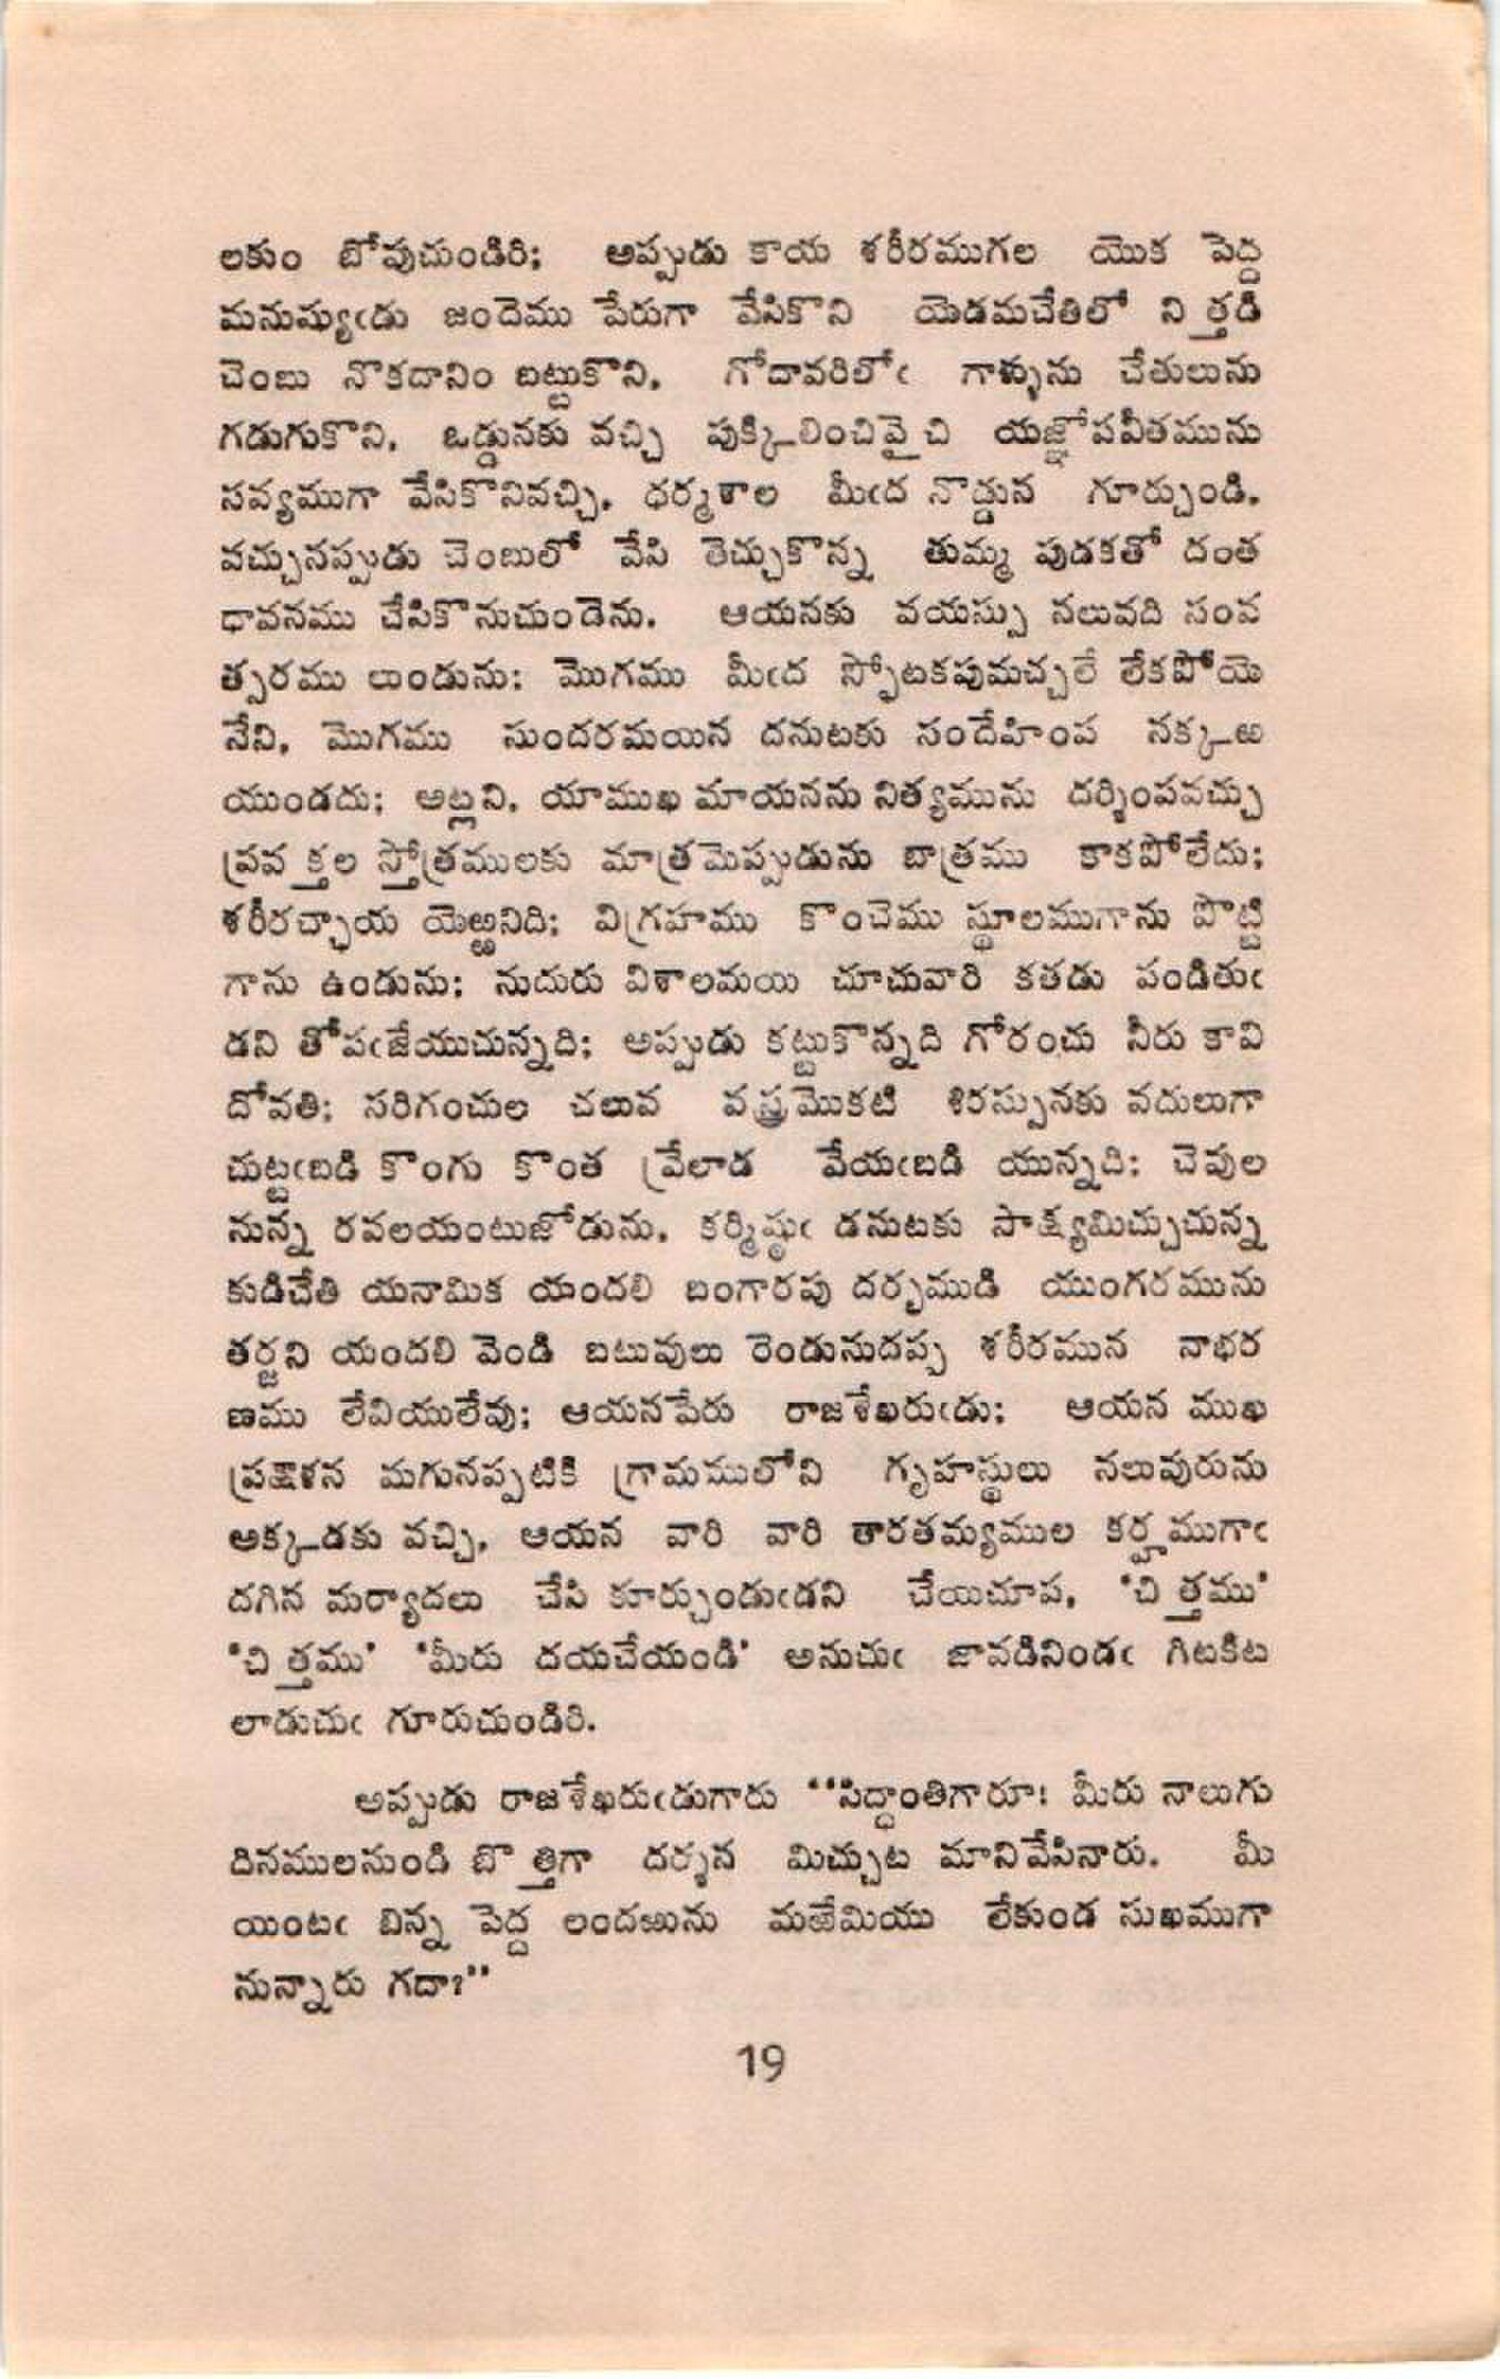లకుం బోవుచుండిరి; అప్పడు కాయ శరీరముగల యొక పెద్ద మనుష్యుఁడు జందెము పేరుగా వేసికొని యెడమచేతిలో నిత్తడి చెంబు నొకదానిం బట్టుకొని, గోదావరిలోఁ గాళ్ళును చేతులును గడుగుకొని, ఒడ్డునకు వచ్చి పుక్కిలించివైచి యజ్ఞోపవీతమును సవ్యముగా వేసికొనివచ్చి, ధర్మశాల మీఁద నొడ్డున గూర్చుండి, వచ్చునప్పడు చెంబులో వేసి తెచ్చుకొన్న తుమ్మ పుడకతో దంత ధావనము చేసికొనుచుండెను. ఆయనకు వయస్సు నలువది సంవత్సరము లుండును: మొగము మీఁద స్ఫోటకపు మచ్చలే లేకపోయె నేని, మొగము సుందరమయిన దనుటకు సందేహింప నక్కఱ యుండదు; అట్లని, యాముఖ మాయనను నిత్యమును దర్శింపవచ్చు. ప్రవక్తల స్తోత్రములకు మాత్రమెప్పుడును బాత్రము కాకపోలేదు; శరీరచ్ఛాయ యెఱ్రనిది; విగ్రహము కొంచెము స్థూలముగాను పొట్టి గాను ఉండును; నుదురు విశాలమయి చూచువారి కతడు పండితుఁ డని తోపఁజేయుచున్నది; అప్పుడు కట్టుకొన్నది గోరంచు నీరు కావి దోవతి; సరిగంచుల చలువ వస్త్రమొకటి శిరస్సునకు వదులుగా చుట్టఁబడి కొంగు కొంత వ్రేలాడ వేయబడి యున్నది; చెవుల నున్న రవలయంటుజోడును, కర్మిష్టుఁ డనుటకు సాక్ష్యమిచ్చుచున్న కుడిచేతి యనామిక యందలి బంగారపు దర్భముడి యుంగరమును తర్జని యందలి వెండి బటువులు రెండునుదప్ప శరీరమున నాభరణము లేవియలేవు; ఆయన పేరు రాజశేఖరుఁడు; ఆయన ముఖ ప్రక్షాళన మగునప్పటికి గ్రామములోని గృహస్థులు నలువురును అక్కడకు వచ్చి ఆయన వారి వారి తారతమ్యముల కర్హముగాఁ దగిన మర్యాదలు చేసి కూర్చుండుఁడని చేయిచూప, "చిత్తము" 'చిత్తము" "మీరు దయచేయండి" అనుచుఁ జావడినిండఁ గిటకిట లాడుచుఁ గూరుచుండిరి.

అప్పుడు రాజశేఖరుఁడుగారు "సిద్ధాంతిగారూ! మీరు నాలుగు దినములనుండి బొత్తిగా దర్శన మిచ్చుట మానివేసినారు. మీ యింటఁ బిన్న పెద్ద లందఱును మఱేమియు లేకుండ సుఖముగా నున్నారు గదా?"